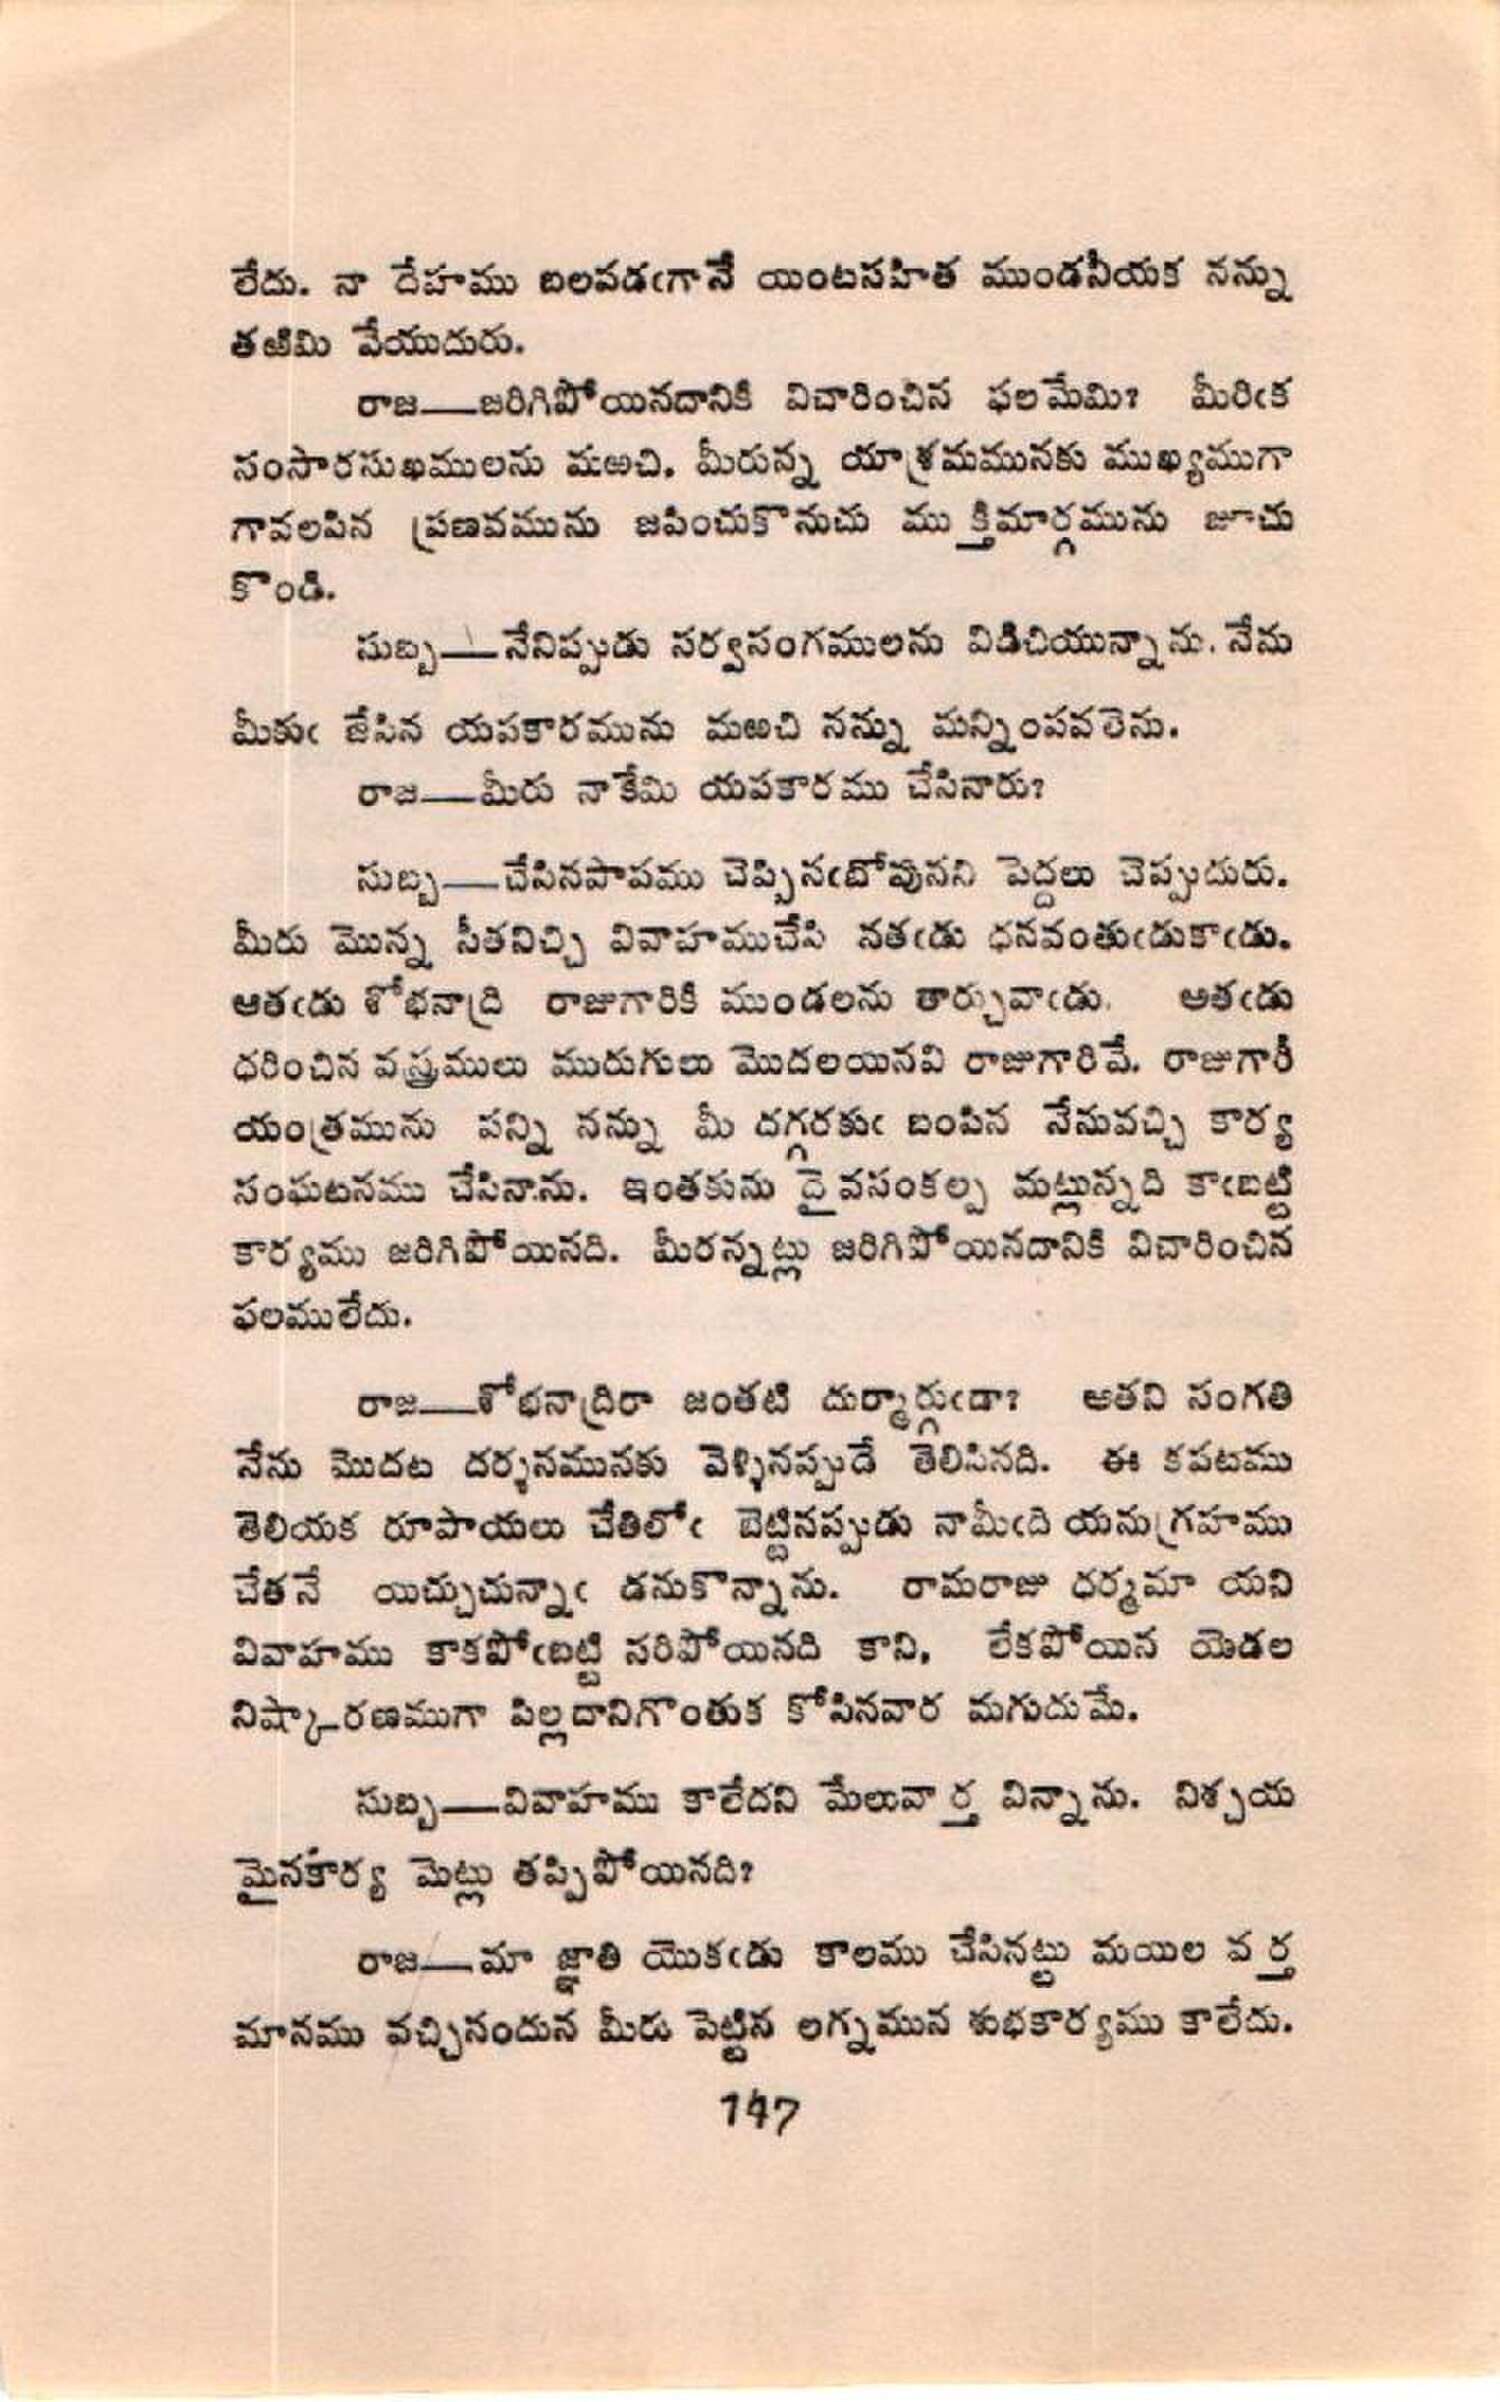లేదు. నా దేహము బలపడఁగానే యింటసహిత ముండనీయక నన్ను
తఱిమి వేయుదురు.

రాజ__జరిగిపోయినదానికి విచారించిన ఫలమేమి? మీరిక
సంసారసుఖములను మఱచి, మీరున్న యాశ్రమమునకు ముఖ్యముగా
గావలసిన ప్రణవమును జపించుకొనుచు ముక్తిమార్గమును జూచుకొండి.

సుబ్బ__నేనిప్పుడు సర్వసంగములను విడిచియున్నాను. నేను
మీకుఁ జేసిన యపకారమును మఱచి నన్ను మన్నింపవలెను. 

రాజ__మీరు నాకేమి యపకారము చేసినారు?

సుబ్బ__చేసినపాపము చెప్పినఁబోవునని పెద్దలు చెప్పుదురు. మీరు మొన్న సీతనిచ్చి వివాహముచేసి నతఁడు ధనవంతుఁడుకాఁడు. ఆతఁడు శోభనాద్రి రాజుగారికి ముండలను తార్చువాఁడు. అతఁడు ధరించిన వస్త్రములు మురుగులు మొదలయినవి రాజుగారివే, రాజుగారీ యంత్రమును పన్ని నన్ను మీ దగ్గరకుఁ బంపిన నేనువచ్చి కార్య సంఘటనము చేసినాను. ఇంతకును దైవసంకల్ప మట్లున్నది కాబట్టి కార్యము జరిగిపోయినది. మీరన్నట్లు జరిగిపోయినదానికి విచారించిన ఫలములేదు.

రాజ__శోభనాద్రిరా జంతటి దుర్మార్గుcడా? ఆతని సంగతి నేను మొదట దర్శనమునకు వెళ్ళినప్పుడే తెలిసినది. ఈ కపటము తెలియక రూపాయలు చేతిలోఁ బెట్టినప్పుడు నామీఁది యనుగ్రహము చేతనే యిచ్చుచున్నాఁ డనుకొన్నాను. రామరాజు ధర్మమా యని వివాహము కాకపోఁబట్టి సరిపోయినది కాని, లేకపోయిన యెడల నిష్కారణముగా పిల్లదానిగొంతుక కోసినవార మగుదుమే.

సుబ్బ__వివాహము కాదని మేలువార్త విన్నాను. నిశ్చయమైనకార్య మెట్లు తప్పిపోయినది?

రాజ__మా జ్ఞాతి యొకఁడు కాలము చేసినట్టు మయిల వర్త మానము వచ్చినందున మీరు పెట్టిన లగ్నమున శుభకార్యము కాలేదు.